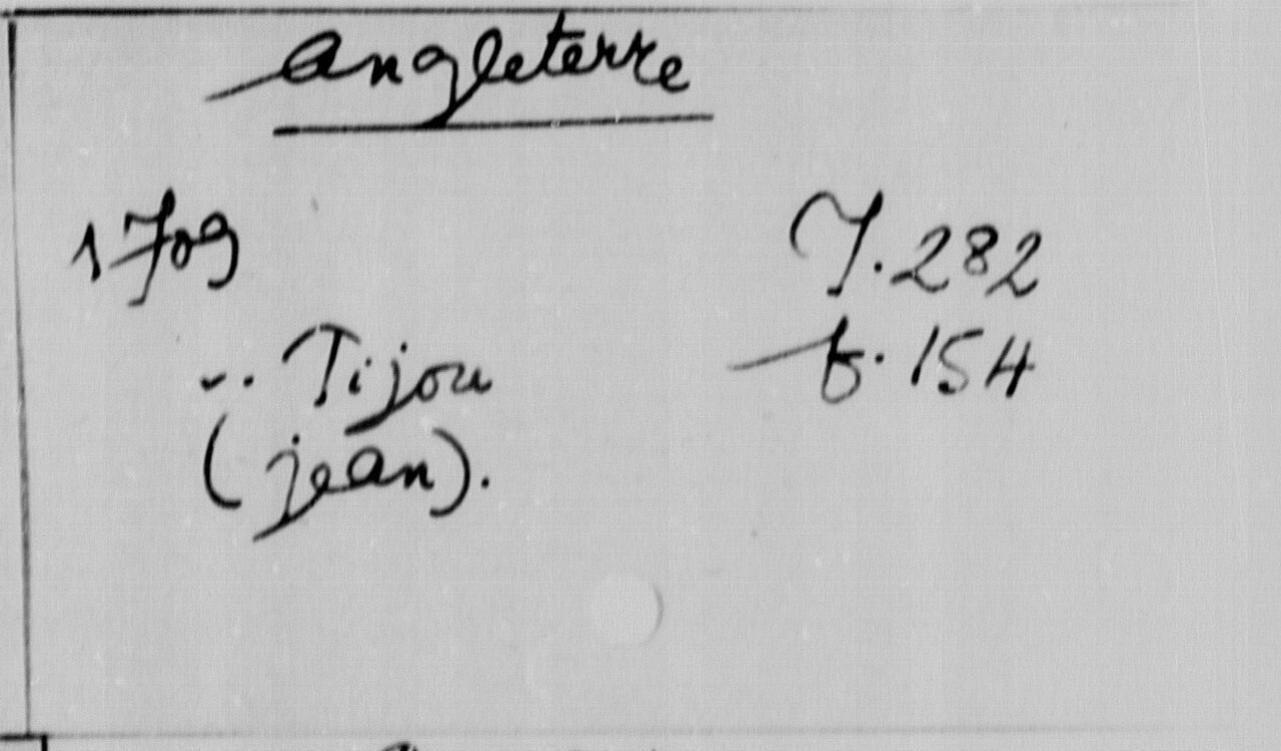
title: Angleterre
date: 1709
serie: Y
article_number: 282
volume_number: folio 154
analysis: Voir Tijou (Jean)
